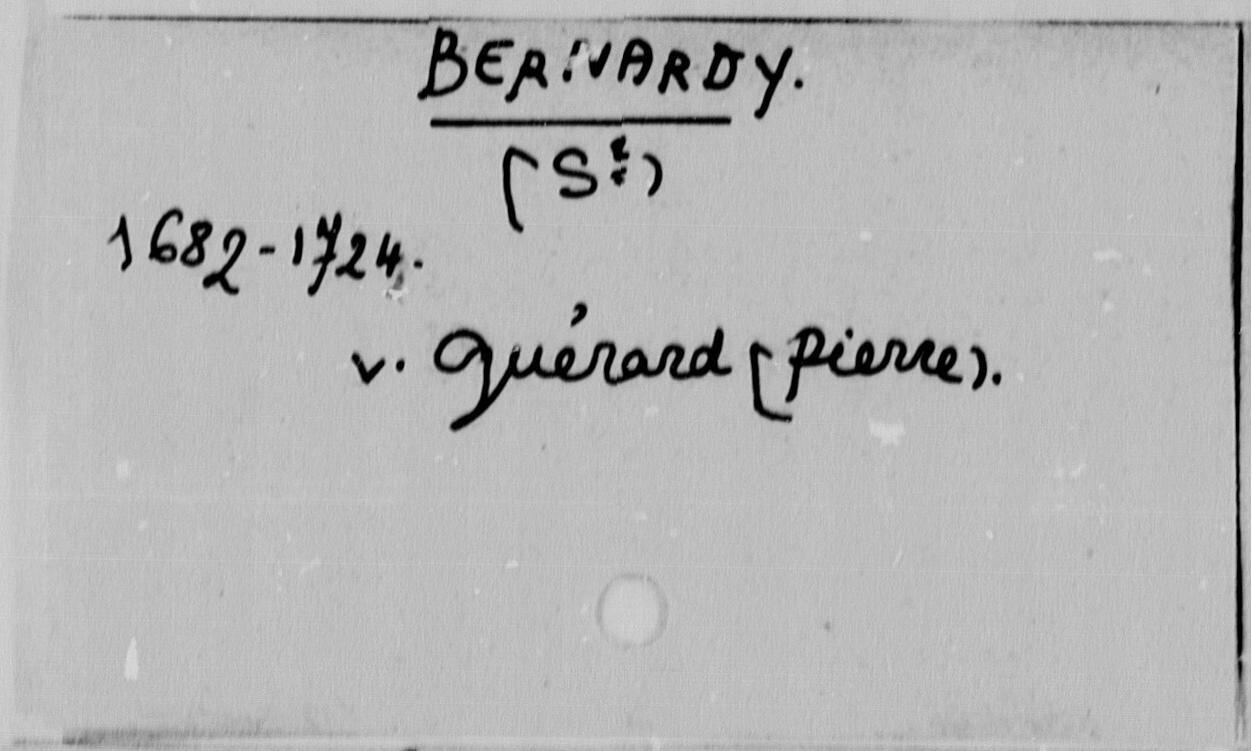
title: BERNARDY (Sieur)
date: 1682-1724
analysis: Voir Guérard (Pierre)
